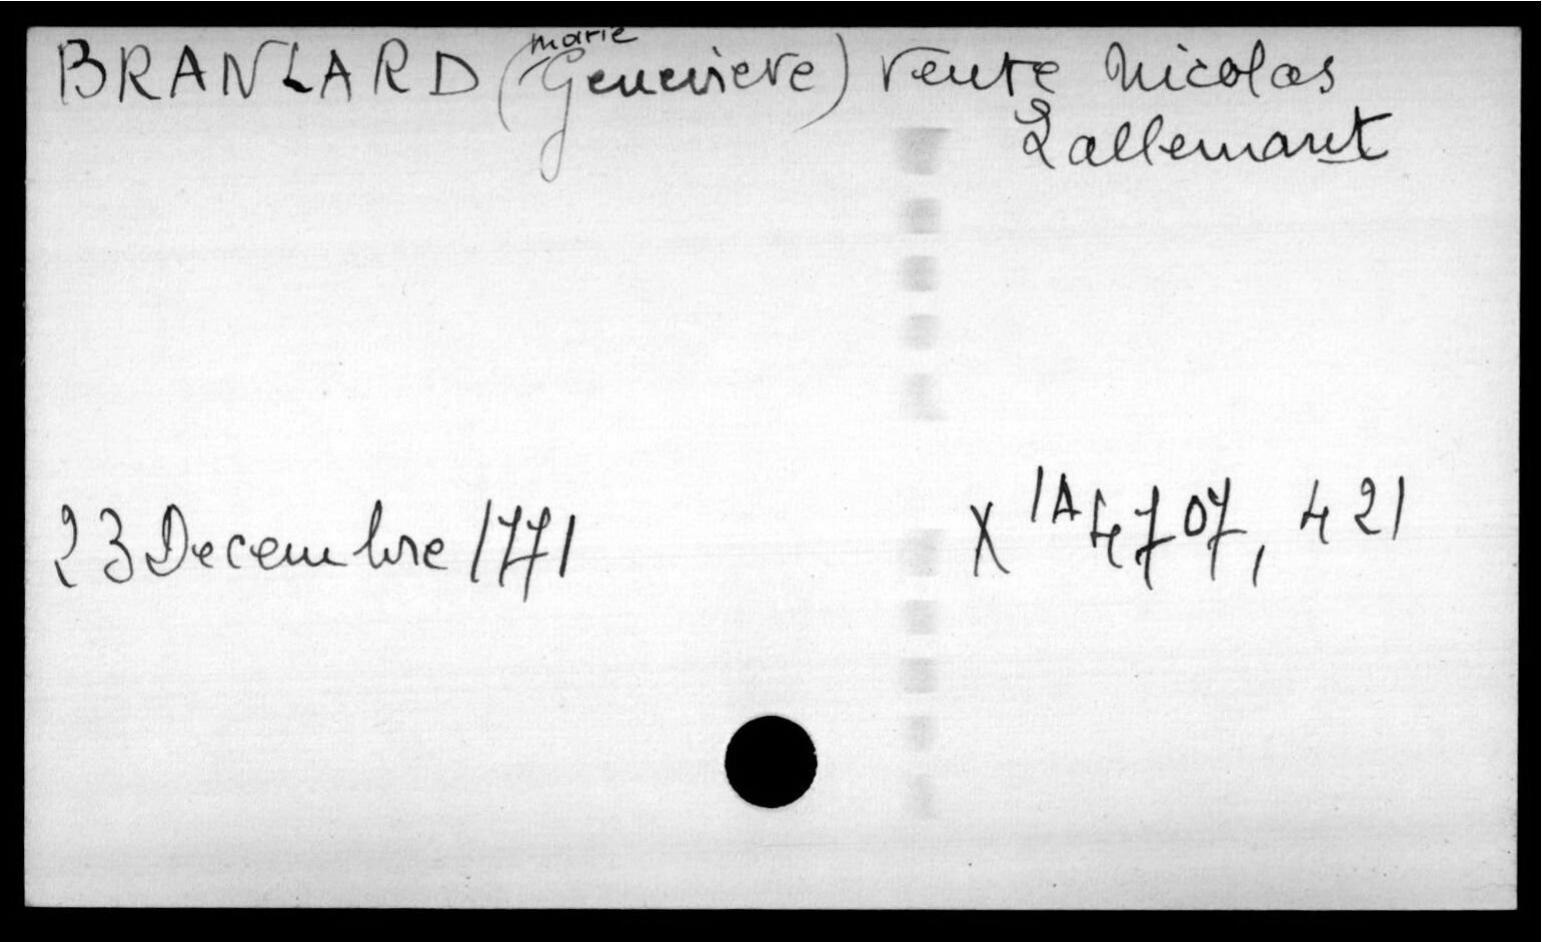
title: BRANLARD (Geneviève) Veuve Nicolas Lallemant
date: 23 décembre 1771
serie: X1A
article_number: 4707
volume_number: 421
